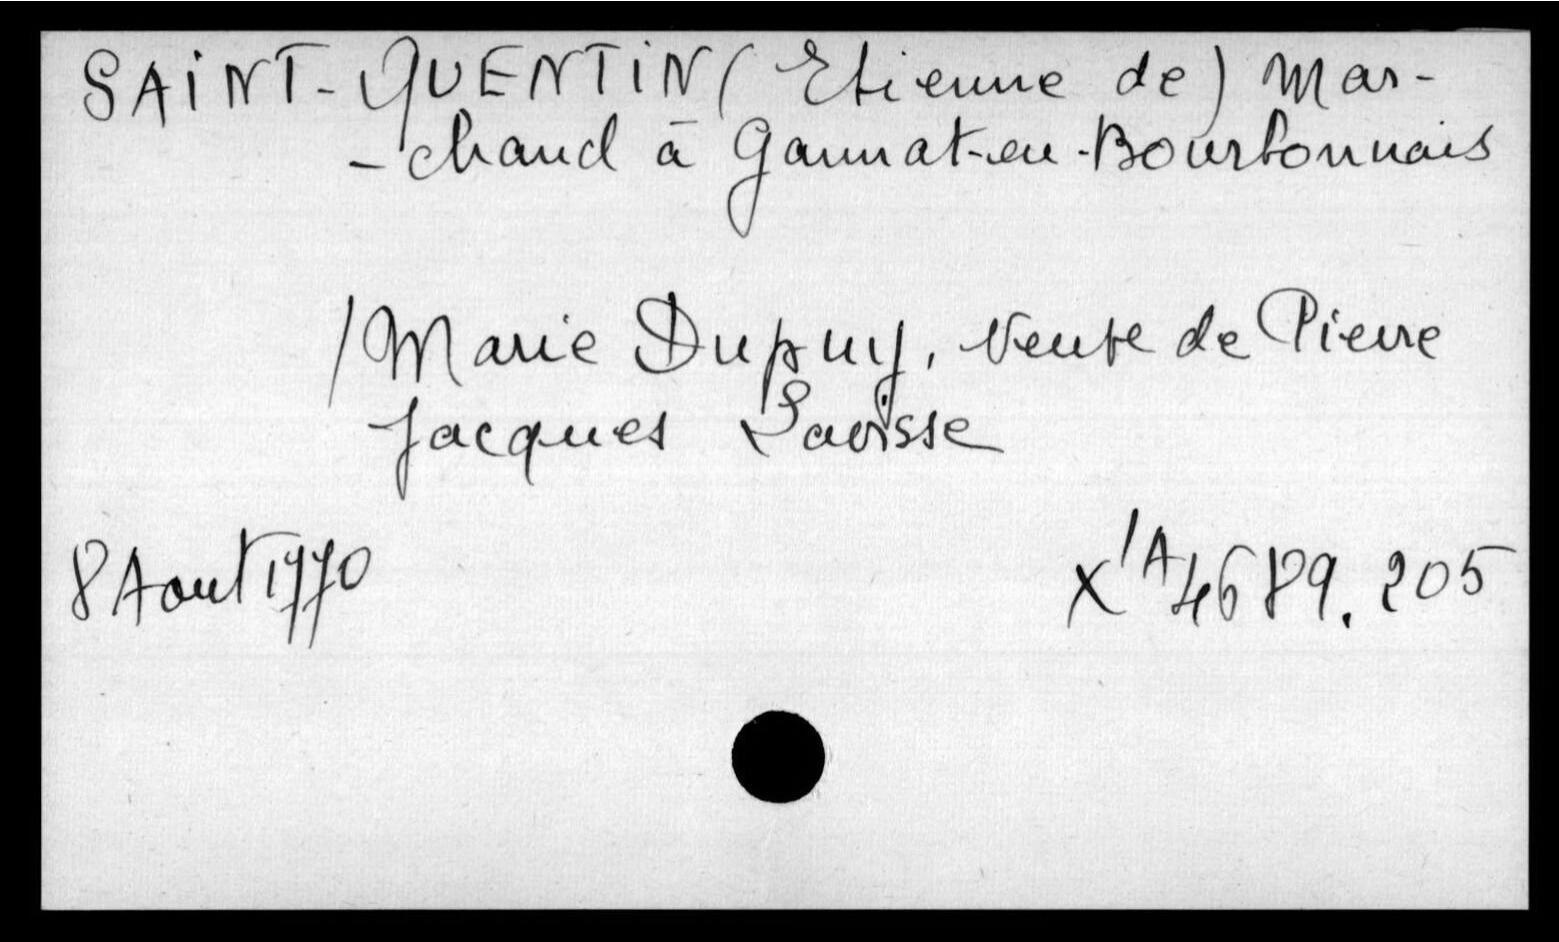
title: SAINT-QUENTIN (Étienne de) Marchand à Gannat-en-Bourbonnais
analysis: Contre Marie Dupuy, veuve de Pierre Jacques Lavisse
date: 8 août 1770
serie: X1A
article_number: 4689
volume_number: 205
